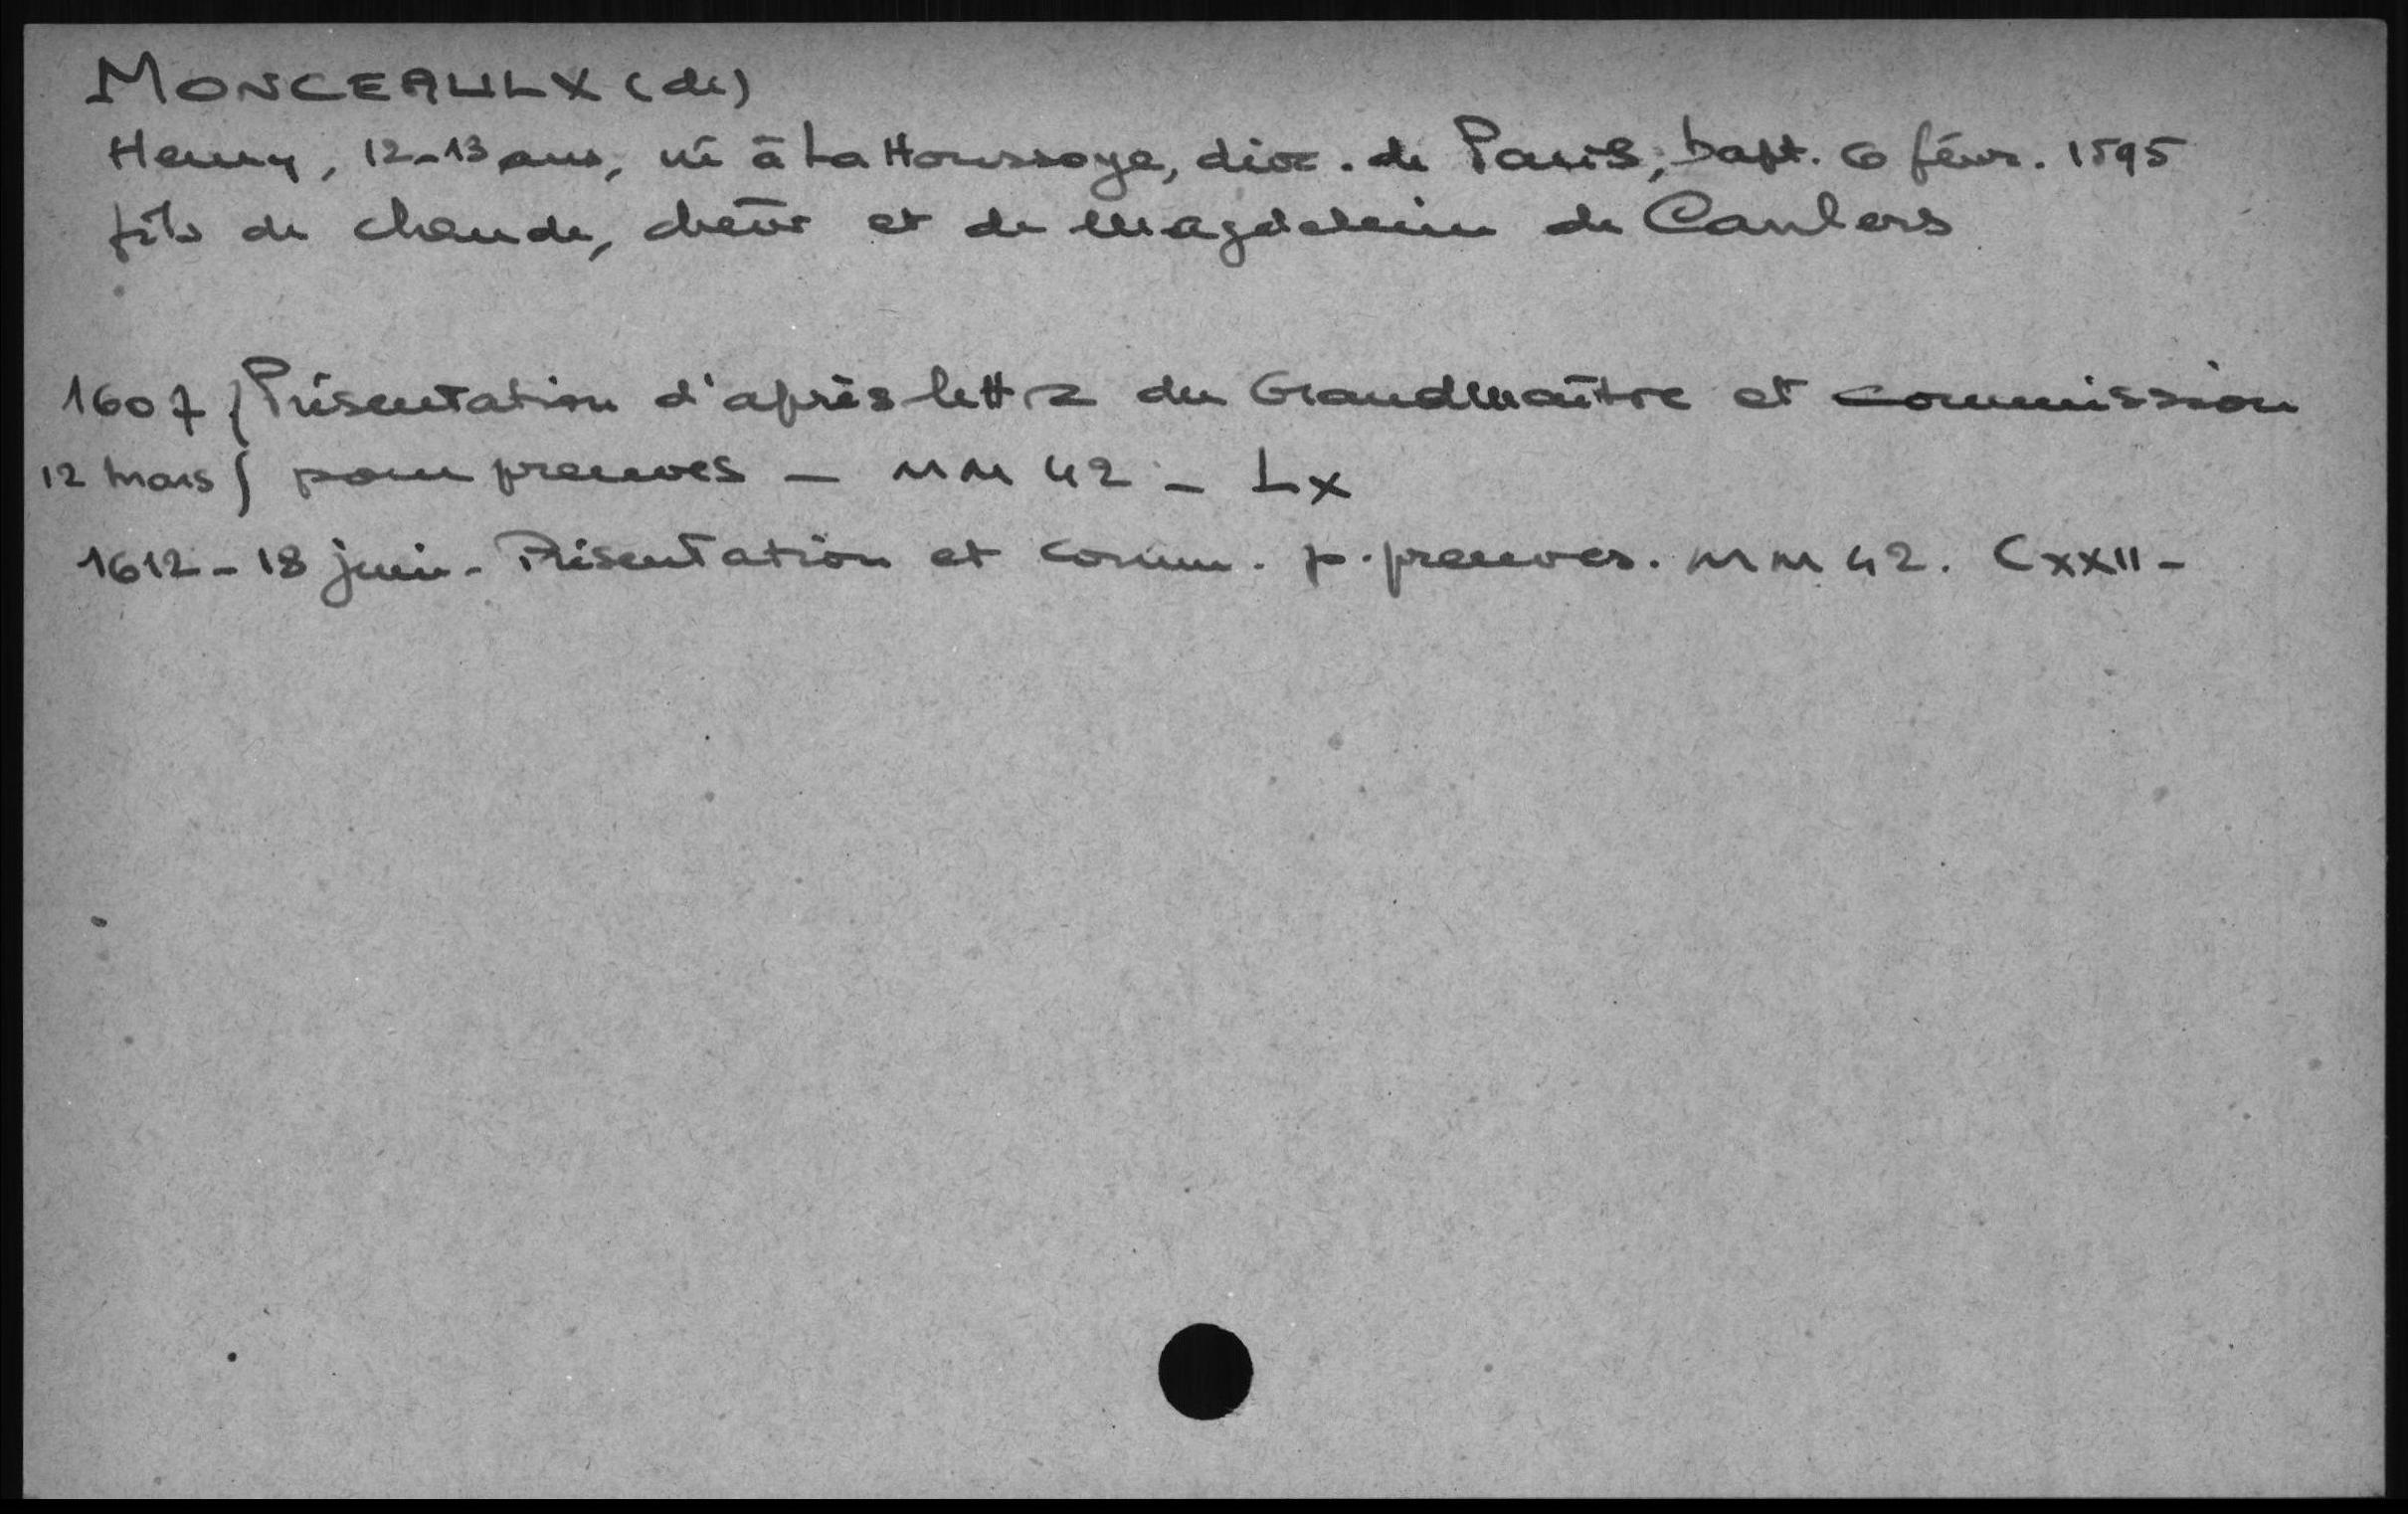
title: MONCEAULX (de) Henry, 12-13 ans, né à La Houssoye, diocèse de Paris, baptisé 6 février 1595 fils de Claude, chevalier et de Magdeleine de Caulers
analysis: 1607, 12 mars. Présentation d'après lettre du Grand Maître et commission pour preuves. MM 42, LX 1612, 18 juin. Présentation et commission pour preuves. MM 42, CXXII.
